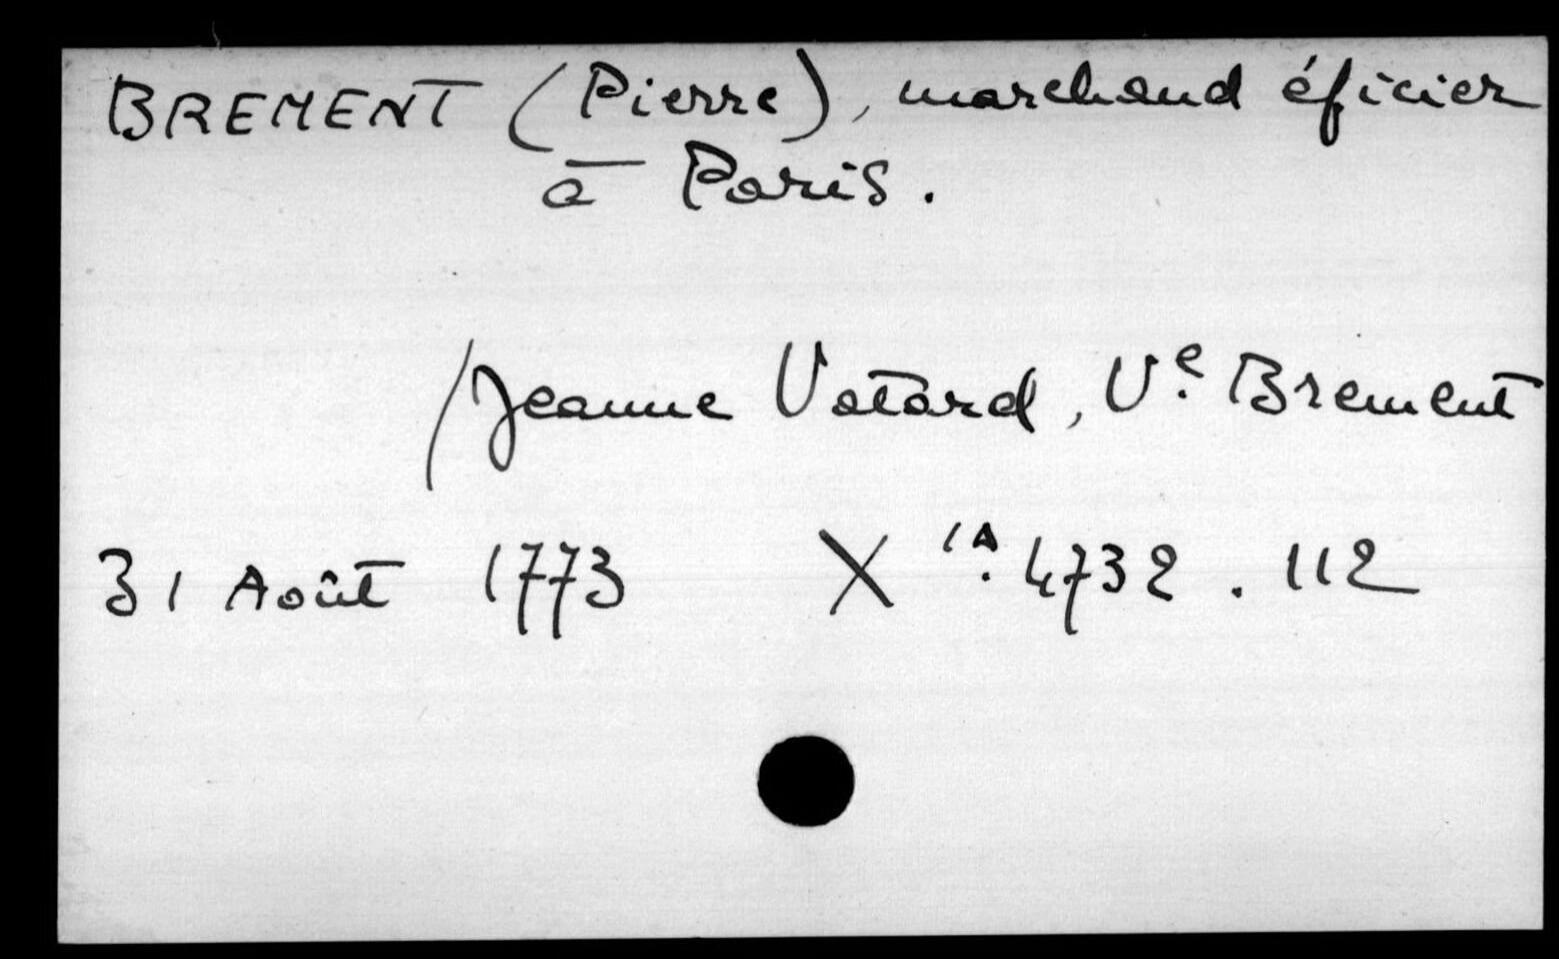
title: BREMENT (Pierre), marchand épicier à Paris.
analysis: Contre Jeanne Vatard, veuve Brement
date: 31 août 1773
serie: X1A
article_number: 4732
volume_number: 112
